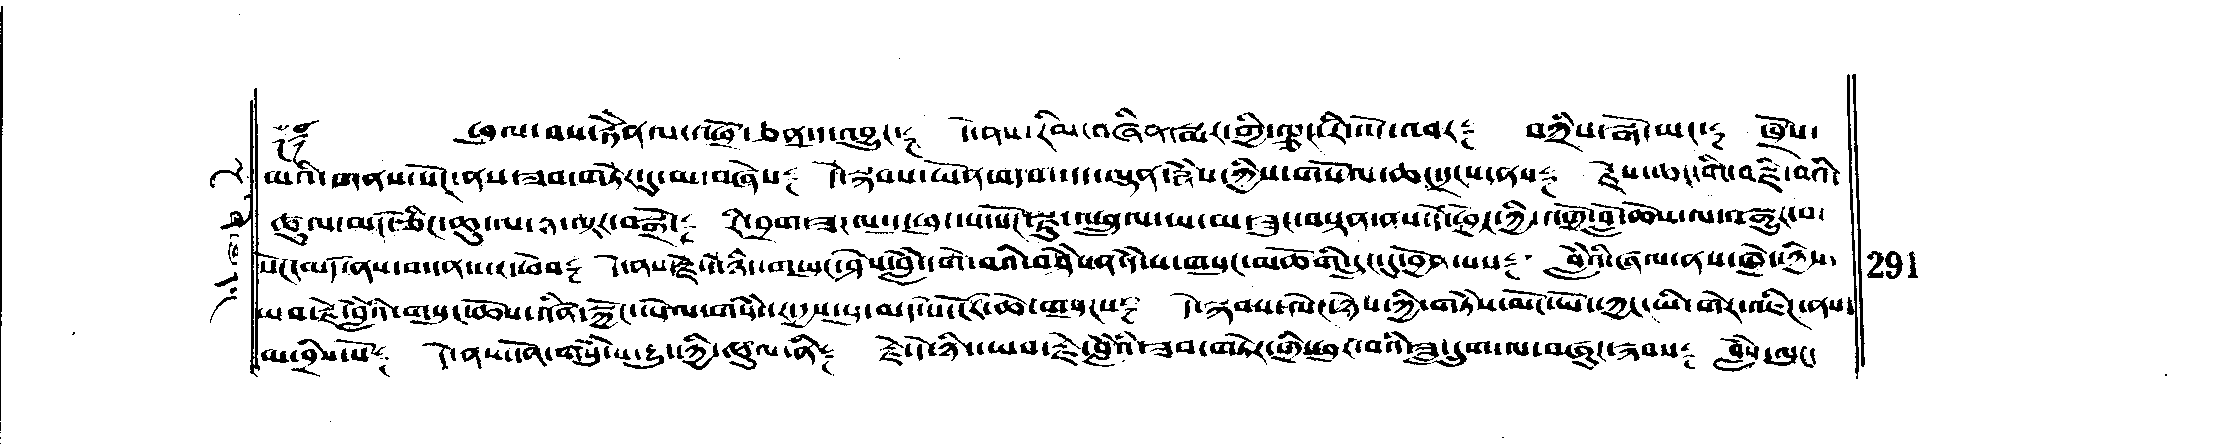ཕུལ་བའི་རྟེན་འབྲེལ་འཕྲོ་ཅན་དུ་འབྱུང་། དེ་ནས་རིམ་བཞིན་སྨར་གྱི་ལྕགས་རི་འོད་འབར། བཀྲ་ཤིས་སྒོ་མང་། ཁྲོས་
མའི་གནས་སོགས་ནས་ཟབ་གཏེར་དུ་མ་བཞེས། དེ་སྐབས་ཡོན་བདག་དད་ལྡན་རྣམས་ཀྱིས་གསོལ་ཆང་དྲངས་ནས། རྗེས་ཆང་གི་བཟི་བའི་
ཚུལ་མཛད་ཅིང་ཆུ་ལ་ཉ་ལྟར་བགྲོད། རི་བྲག་ཟང་ཐལ་དུ་ཕུད་པ་སོགས་རྫུ་འཕྲུལ་ཡ་མ་ཟུང་བསྟན་ནས་དེ་ཕྱོགས་ཀྱི་འགྲོ་བློ་ཆོས་ལ་བསྒྱུར་བ་
སོགས་མཛད་ནས་གདན་སར་ཕེབས། དེ་ནས་རྗེ་དེ་ཉིད་གཡུང་ཤེས་བླ་མ་དགེ་བའི་བཤེས་གཉེན་དམ་པ་གསུང་མཆོག་གི་དྲུང་དུ་བྱོན་པས། བླ་མའི་ཞལ་ནས་ཁྱེད་ཀྱིས་
ཡབ་རྗེ་བླ་མའི་གསུང་ཆོས་འཛིན་སྐྱོང་སྤེལ་གསུམ་དར་རྒྱས་སུ་མཛད་པ་ངོ་མཚར་ཆེ་གསུངས། དེ་སྐབས་ལེགས་ཉེས་ཀྱི་གཏམ་མང་པོ་ཡོད་ཀྱང་ཡི་གེར་འཇིགས་ནས་
མ་བྲིས་སོ། དེ་ནས་དོན་གསུམ་པ་རྒྱུད་ཀྱི་ཚུལ་ནི། རྗེ་དེ་ཉིད་ཡབ་རྗེ་བླ་མའི་ཟབ་གཏེར་གྱི་ཕུར་པའི་ཟླ་དྲུག་ལ་བཞུགས་སྐབས། བླ་མས་ལུང་